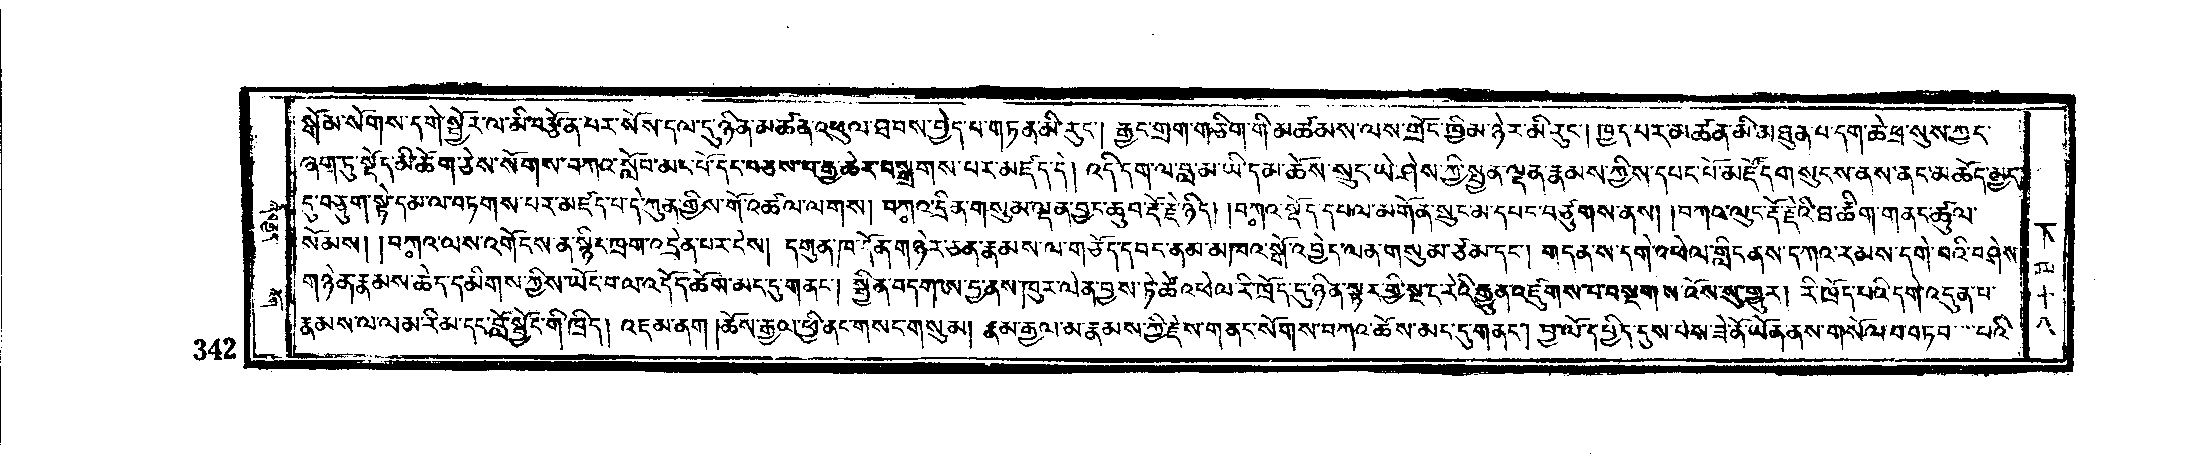སྒོམ་སོགས་དགེ་སྦྱོར་ལ་མི་བརྩོན་པར་སོས་དལ་དུ་ཉིན་མཚན་འཕུལ་ཐབས་བྱེད་པ་གཏན་མི་རུང་། རྒྱང་གྲག་གཅིག་གི་མཚམས་ལས་གྲོང་ཁྱིམ་ཉེར་མི་རུང་། ཁྱད་པར་མཚན་མི་མཐུན་པ་དག་ཆེ་ཕྲ་སུས་ཀྱང་
ཞག་ཏུ་སྡོད་མི་ཆོག་ཅེས་སོགས་བཀའ་སློབ་མང་པོ་དང་བཅས་པ་རྒྱ་ཆེར་བསྒྲགས་པར་མཛད་དེ། འདི་དག་ལ་བླ་མ་ཡི་དམ་ཆོས་སྲུང་ཡེ་ཤེས་ཀྱི་སྤྱན་ལྡན་རྣམས་ཀྱིས་དཔང་པོ་མཛོད་གསུངས་ནས་ནང་མཆོད་མྱང་
དུ་བཅུག་སྟེ་དམ་ལ་བཏགས་པར་མཛད་པ་དེ་ཀུན་གྱིས་གོ་འཚལ་ལགས། བཀའ྾་དྲིན་གསུམ་ལྡན་བྱང་ཆུབ་རྡོ་རྗེ་ཉིད། །བཀའ྾་སྡོད་དཔལ་མགོན་སྲུང་མ་དཔང་བཙུགས་ནས། །བཀའ་ལུང་རྡོ་རྗེའི་ཐ་ཚིག་གནང་ཚུལ་
སོམས། །བཀའ྾་ལས་འགོངས་ན་སྙིང་ཁྲག་འདྲེན་པར་ངེས། དགུན་ཁ་དོན་གཉེར་ཅན་རྣམས་ལ་གཅོད་དབང་ནམ་མཁའ་སྒོ་འབྱེད་ལན་གསུམ་ཙམ་དང་། གདན་ས་དགེ་འཕེལ་གླིང་ནས་དཀའ་རམས་དགེ་བའི་བཤེས་
གཉེན་རྣམས་ཆེད་དམིགས་ཀྱིས་ཡོང་བ་ལ་འདོད་ཆོས་མང་དུ་གནང་། སྦྱིན་བདག་ཨ་དྱ་ནས་ཁུར་ལེན་བྱས་ཏེ་ཚེ་འཕེལ་རི་ཁྲོད་དུ་ཉིན་སྟར་གྱི་སྔ་ཇ?་རེའི་རྒྱུན་འཛུགས་པ་བསྔགས་འོས་སུ་གྱུར། རི་ཁྲོད་པའི་དགེ་འདུན་པ་
རྣམས་ལ་ལམ་རིམ་དང་བློ་སྦྱོང་གི་ཁྲིད། འཇམ་ནག །ཆོས་རྒྱལ་ཕྱི་ནང་གསང་གསུམ། རྣམ་རྒྱལ་མ་རྣམས་ཀྱི་རྗེས་གནང་སོགས་བཀའ་ཆོས་མང་དུ་གནང་། བྱ་ལོ་དཔྱིད་དུས་པས་ཟེ་ནོ་ཡོན་ནས་གསོལ་བ་བཏབ་པའི་